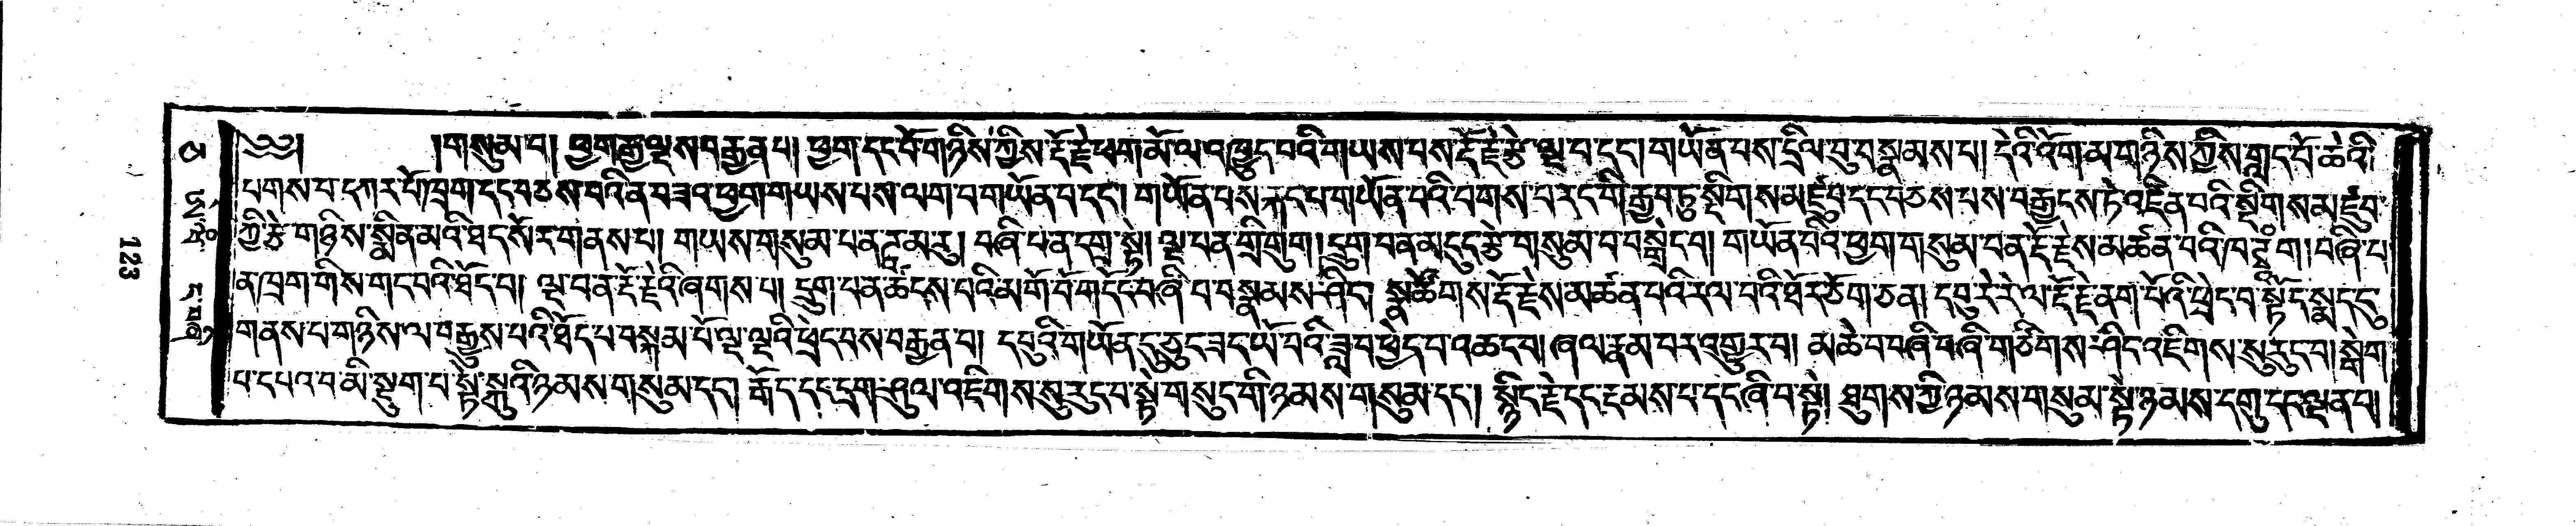༄༅། །གསུམ་པ། ཕྱག་རྒྱ་ལྔས་བརྒྱན་པ། ཕྱག་དང་པོ་གཉིས་ཀྱིས་རྡོ་རྗེ་ཕག་མོ་ལ་འཁྱུད་པའི་གཡས་པས་རྡོ་རྗེ་རྩེ་ལྔ་པ་དང་། གཡོན་པས་དྲིལ་བུ་བསྣམས་པ། དེའི་འོག་མ་གཉིས་ཀྱིས་གླང་པོ་ཆེའི་
པགས་པ་དཀར་པོ་ཁྲག་དང་བཅས་པའི་ན་བཟའ་ཕྱག་གཡས་པས་ལག་པ་གཡོན་པ་དང་། གཡོན་པས་རྐང་པ་གཡོན་པའི་པགས་པ་རང་གི་རྒྱབ་ཏུ་སྡིགས་མཛུབ་དང་བཅས་པས་བརྒྱངས་ཏེ་འཛིན་པའི་སྡིགས་མཛུབ་
ཀྱི་རྩེ་གཉིས་སྨིན་མའི་ཐད་སོར་གནས་པ། གཡས་གསུམ་པ་ན་ཌཱ་མ་རུ། བཞི་པ་ན་དགྲ་སྟ། ལྔ་པ་ན་གྲི་གུག །དྲུག་པ་ན་མདུང་རྩེ་གསུམ་པ་བསྒྲེང་བ། གཡོན་པའི་ཕྱག་གསུམ་པ་ན་རྡོ་རྗེས་མཚན་པའི་ཁ་ཊྭཱཾ་ག །བཞི་པ་
ན་ཁྲག་གིས་གང་བའི་ཐོད་པ། ལྔ་པ་ན་རྡོ་རྗེའི་ཞགས་པ། དྲུག་པ་ན་ཚངས་པའི་མགོ་བོ་གདོང་བཞི་པ་བསྣམས་ཤིང་། སྣ་ཚོགས་རྡོ་རྗེས་མཚན་པའི་རལ་པའི་ཐོར་ཅོག་ཅན། དབུ་རེ་རེ་ལ་རྡོ་རྗེ་ནག་པོའི་ཕྲེང་བ་སྟོད་སྨད་དུ་
གནས་པ་གཉིས་ལ་བརྒྱུས་པའི་ཐོད་པ་བསྐམ་པོ་ལྔ་ལྔའི་ཕྲེང་བས་བརྒྱན་པ། དབུའི་གཡོན་དུ་ཅུང་ཟད་ཡོ་བའི་ཟླ་བ་ཕྱེད་པ་འཆང་བ། ཞལ་རྣམ་པར་འགྱུར་བ། མཆེ་བ་བཞི་བཞི་གཙིགས་ཤིང་འཇིགས་སུ་རུང་བ། སྒེག་
པ་དཔའ་བ་མི་སྡུག་པ་སྟེ་སྐུའི་ཉམས་གསུམ་དང་། རྒོད་དང་དྲག་ཤུལ་འཇིགས་སུ་རུང་བ་སྟེ་གསུང་གི་ཉམས་གསུམ་དང་། སྙིང་རྗེ་དང་རྔམས་པ་དང་ཞི་བ་སྟེ། ཐུགས་ཀྱི་ཉམས་གསུམ་སྟེ་ཉམས་དགུ་དང་ལྡན་པ།